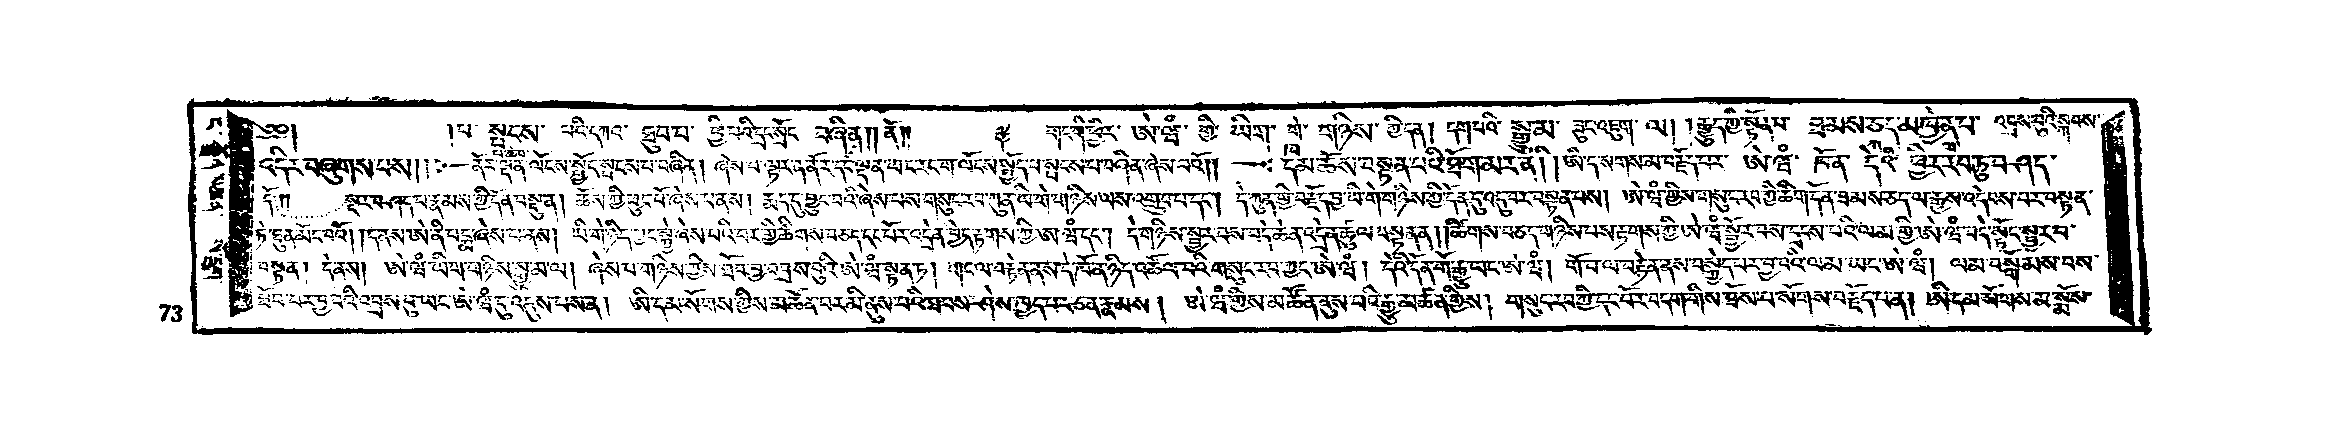༄༅། །པ་སྤངས་པའི་དཀའ་ཐུབ་པ་ཕྱི་བའི་དྲང་སོང་བཞིན།། ནེ།། ༈ གང་གི་ཕྱིར་ཨེ་ཝཾ་གྱི་ཡིག་གེ་གཉིས་ཀྱི་དང་། དག་པའི་སྒྱུ་མ་ཟུང་འཇུག་ལ། །རྒྱུད་ཀྱི་སྟོན་པ་ཐམས་ཅད་མཁྱེན་པ་འབྲས་བུའི་སྐབས་
འདིར་བཞུགས་པས།། H.ནོར་ལྡན་ལོངས་སྤྱོད་སྤངས་པ་བཞིན། ཞེས་པ་ལྟར་ན་ནོར་དང་ལྡན་ཡང་རང་ག་ལོངས་སྤྱོད་པ་སྤངས་པ་བཞིན་ཞེས་པའི།། དམ་ཆོས་བསྟན་པའི་ཐོག་མར་ནི། །ཨི་དས་གས་མ་བརྗོད་པར་ཨེ་ཝཾ་ཁོ་ན་དེའི་ཕྱིར་རབ་ཏུ་བཤད་
དོ།། སྔར་བཤད་པ་རྣམས་ཀྱི་དོན་བསྡུ་ན། ཆོས་ཀྱི་ཕུང་པོ་ཞེས་པ་ནས། རྨད་དུ་བྱུང་བའི་ཞེས་པས་གསུང་རབ་ཀུན་ཡི་གེ་གཉིས་ལས་འཁྲུབ་པ་དང་། དེ་ཀུན་གྱི་བརྗོད་བྱ་ཡི་གེ་གཉིས་ཀྱི་དོན་དུ་འདུ་བར་བསྟན་པས། ཨེ་ཝཾ་གྱིས་གསུང་རབ་ཀྱི་ཚིག་དོན་ཐམས་ཅད་ལ་རྒྱས་འདེབས་པར་བསྟན་
ཏེ་ཐུན་མོང་པའོ། །ད་ནས་ཨེ་ནི་པདམ་ཞེས་པ་ནས། ཡི་གེ་ཉིད་ཀྱང་སྐྱེ་ཞེས་པའི་བར་གྱི་ཚིགས་བཅད་དང་པོར་འདྲེན་བྱེད་རྟགས་ཀྱི་ཨ་ཝཾ་དང་། དེ་གཉིས་སྦྱར་བས་བདེ་ཆེན་འདྲེན་ཚུལ་བསྟན་ན། །ཚིགས་བཅད་གཉིས་པས་རྟགས་ཀྱི་ཨེ་ཝཾ་སྦྱོར་བས་དྲངས་པའི་ལམ་གྱི་ཨེ་ཝཾ་བདེ་སྟོང་སྦྱོར་བ་
བསྟན། དེ་ནས། ཨེ་ཝཾ་ཡིག་གཉིས་སྒྱུ་མ་ལ། ཞེས་པ་གཉིས་ཀྱིས་ཐོབ་བྱ་འབྲས་བུའི་ཨེ་ཝཾ་སྟན་ཏེ། གང་ལ་བརྟེན་ནས་དེ་ཁོ་ན་ཉིད་འཚོལ་བའི་གསུང་རབ་ཀྱང་ཨེ་ཝཾ། དེའི་དོན་གོ་རྒྱུ་ཡང་ཨེ་ཝཾ། གོ་བ་ལ་བརྟེན་ནས་བསྐྱེད་པར་བྱ་བའི་ལམ་ཡང་ཨེ་ཝཾ། ལམ་བསྒོམས་པས་
ཐོབ་པར་བྱ་བའི་འབྲས་བུ་ཡང་ཨེ་ཝཾ་དུ་འདུས་པས་ན། ཨི་དམ་སོགས་ཀྱིས་མཚོན་པར་མི་ནུས་པའི་ཐབས་ཤེས་ཁྱད་པར་ཅན་རྣམས། ཨེ་ཝཾ་གྱིས་མཚོན་ནུས་པའི་རྒྱུ་མཚོན་གྱིས། གསུང་རབ་ཀྱི་དང་པོར་བདག་གིས་ཐོས་པ་སོགས་བརྗོད་པ་ན། ཨི་དམ་སོགས་མ་སྨོས་